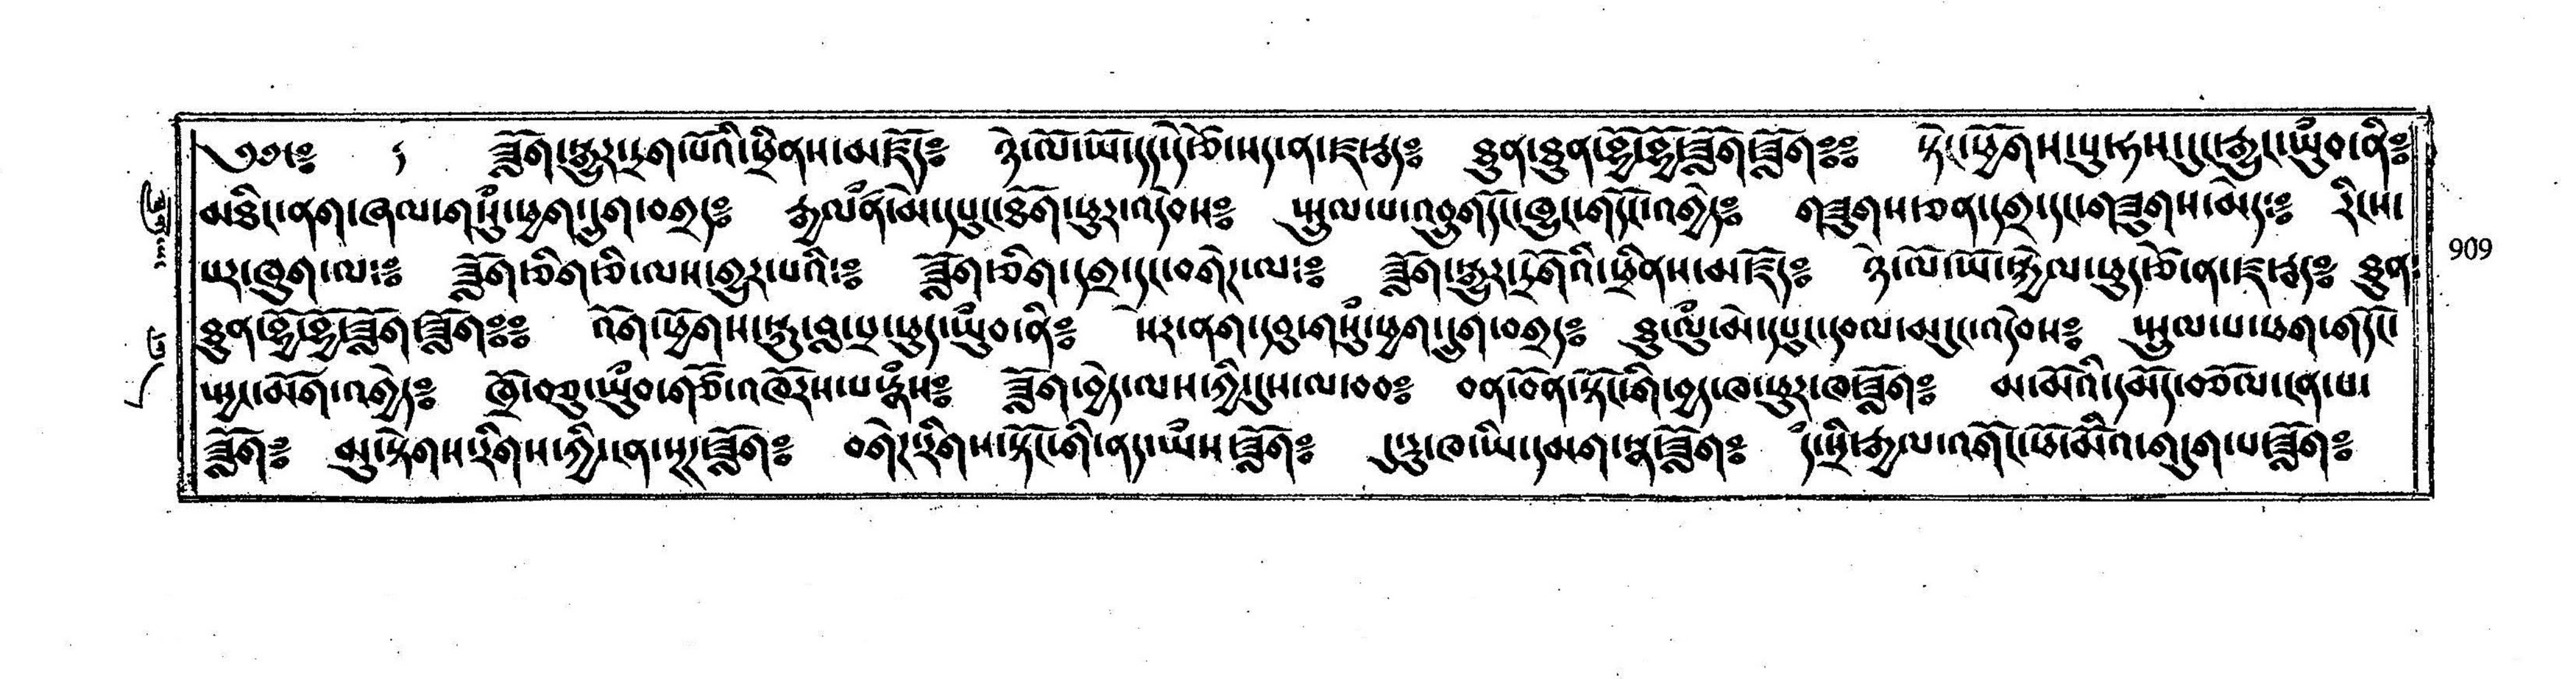ཟློག་སྒྱུར་དྲག་པོའི་ཕྲིན་ལས་མཛོད༔ ཉེ་ལོ་ཡོ་དད་དེ་ཙེ་སད་ན་ཛ་རྦད༔ ཐུན་ཐུན་བྷྱོ་བྷྱོ་ཟློག་ཟློག༔༔ སྟེང་ཕྱོགས་སུ་ཧས་དང་རྒྱུང་ཡབ་ཡུམ་ནི༔ 
མཐིང་ནག་ཞལ་གསུམ་ཕྱག་དྲུག་བགྲད༔ རྒྱལ་མཚན་མེ་དཔུང་ཐོག་ཕུར་འདེབས༔ སྤྲུལ་པ་འབྲུག་གདོང་ཁྱུང་གདོང་འགྱེད༔ གཟུགས་ཅན་དགྲ་དང་གཟུགས་མེད༴༔ རིངས་
པར་ཁུག་ལ༴༔ ཟློག་ཅིག་ཅི་ལས་གྱུར་པའི༴༔ ཟློག་ཅིག་དགྲ་དང་བགེགས་ལ༴༔ ཟློག་སྒྱུར་དྲག་པོའི་ཕྲིན་ལས་མཛོད༔ ཉེ་ལོ་ཡོ་སྐྱེལ་ཕུད་ཙེ་ན་ཛ་རྦད༔ ཐུན་
ཐུན་བྷྱོ་བྷྱོ་ཟློག་ཟློག༔༔ འོག་ཕྱོགས་སྐུ་བླ་པྲ་ཕུད་ཡབ་ཡུམ་ནི༔ སེར་ནག་དབུ་གསུམ་ཕྱག་དྲུག་བགྲད༔ ཐུ་ལུམ་མེ་དཔུང་དབལ་མདུང་འདེབས༔ སྤྲུལ་པ་ཕག་གདོང་
སྤྱང་མགོ་འགྱེད༔ ཁྲོ་བཅུ་ཡབ་ཡུམ་གཙོ་འཁོར་བཅས་པ་རྣམས༔ ཟློག་བྱེད་ལས་ཀྱི་དུས་ལ་བབ༔ བན་བོན་སྟོང་གི་བྱད་ཁ་ཕུར་ཁ་ཟློག༔ མ་མོའི་དམོད་བཅོལ་ངན་པ་
ཟློག༔ མུ་སྟེགས་རིགས་ཀྱི་ངན་སྔགས་ཟློག༔ བགེགས་རིགས་སྟོང་གི་ནད་ཡམས་ཟློག༔ དུ་རུ་ཁ་ཡི་དམག་སྣ་ཟློག༔ དམ་སྲི་རྒྱལ་འགོང་ཕོ་མོའི་གདུག་པ་ཟློག༔